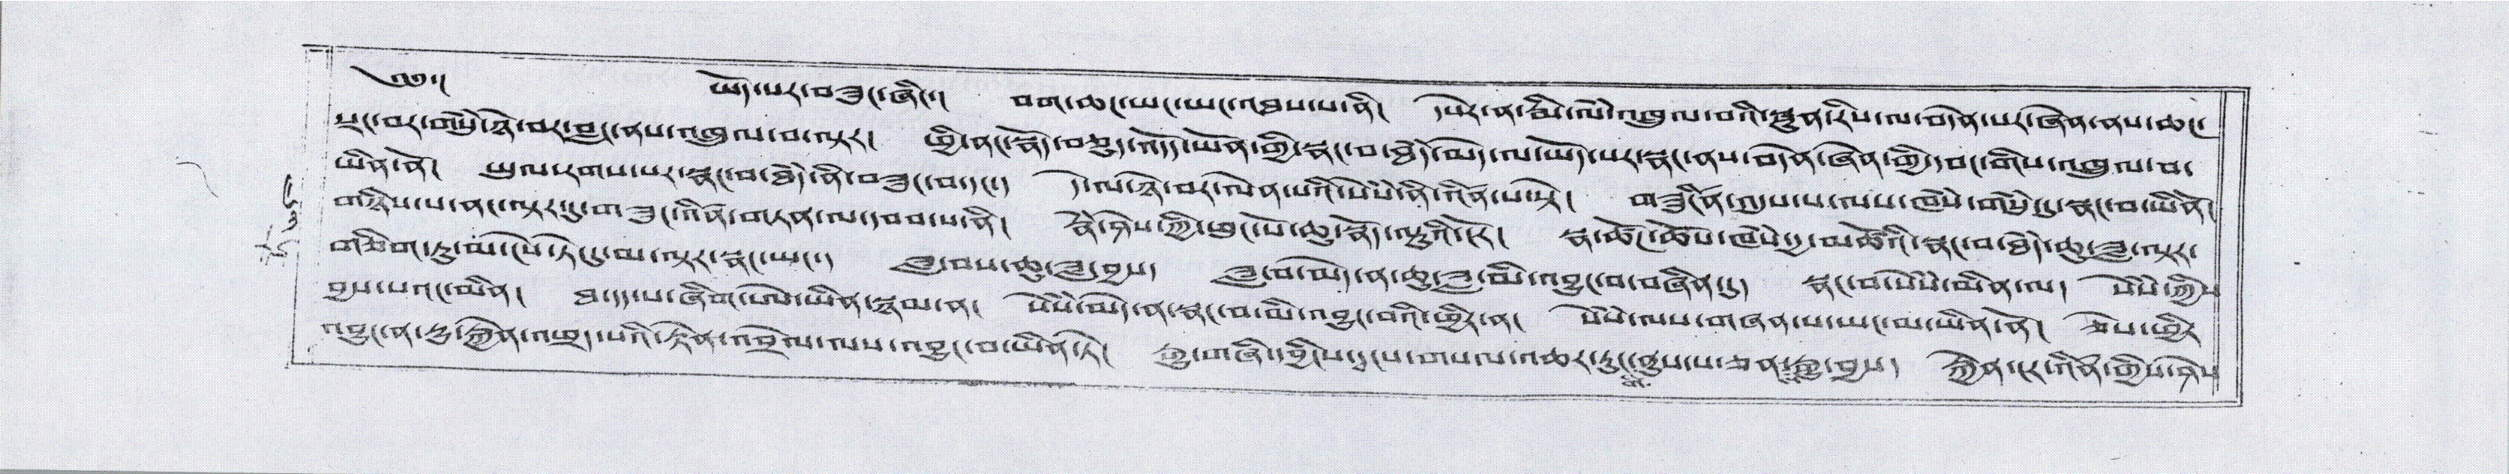ཡོད་པར་བཟུང་ཞིང་། བག་ཆགས་ཡང་ཡང་འཐས་པ་ནི། དཔེར་ན་རྨི་ལམ་འཁྲུལ་པའི་རྫུན་རིས་ལ་བདེན་པར་ཆགས་
སྡང་བར་གསུམ་ཉེ་བར་བླང་ནས་འཁྲུལ་པ་ལྟར། ཕྱི་ནང་སྣོད་བཅུད་འདོད་ཡོན་གྱི་སྣང་བ་ཐམས་ཅད་མེད་ལ་ཡོད་པར་སྣང་ནས་བདེན་ཞེན་གྱི་དབང་གིས་འཁྲུལ་བ་
ཡིན་ནོ། ཡུལ་རགས་པར་སྣང་བ་ཐམས་ཅད་ནི་བཟུང་བ་དང་། དེ་ལ་ཉེ་བར་ལེན་པའི་སེམས་ནི་འཛིན་པ་སྟེ། གཟུང་འཛིན་འདུས་པ་ལས་ཁམས་གསུམ་དུ་སྣང་བ་ཡིན་ནོ། 
གཉིས་པ་ནང་ལྟར་དུ་གཟུང་འཛིན་གཏན་ལ་དབབ་པ་ནི། རྣམ་ཤེས་ཀྱི་ཕུང་པོ་ཆུ་སྣོད་ལྟ་བུའི་ངོར། སྣ་ཚོགས་ཆོས་ཁམས་རྒྱ་མཚོའི་སྣང་བ་ཐམས་ཅད་ཆུ་ཟླ་ལྟར་
གཅིག་ཏུ་མ་ངེས་ཏེ་དུ་མ་ལྟར་སྣང་ཡང་། ཟླ་བས་ཆུ་ཟླ་བྱས། ཟླ་བ་མེད་ན་ཆུ་ཟླ་མི་འབྱུང་བ་བཞིན་དུ། སྣང་བ་སེམས་ཡིན་ལ། སེམས་ཀྱིས་
བྱས་པའང་མིན། ཐ་དད་པ་ཞིག་ཨེ་ཡིན་སྙམ་ན། སེམས་མེད་ན་སྣང་བ་མི་འབྱུང་བའི་ཕྱིར་ན། སེམས་ལས་གཞན་པའང་མ་ཡིན་ནོ། ཅིའི་ཕྱིར་
འབྱུང་ན་རྒྱུ་རྐྱེན་འཕྲད་པའི་རྟེན་འབྲེལ་ལས་འབྱུང་བ་ཡིན་ཏེ། རྒྱུ་གཞི་དབྱིངས་དྭངས་གསལ་འཆར་རུང་གི་ནུས་པ་ཅན་རྒྱུ་བྱས། རྐྱེན་ངར་འཛིན་གྱི་ཤེས་